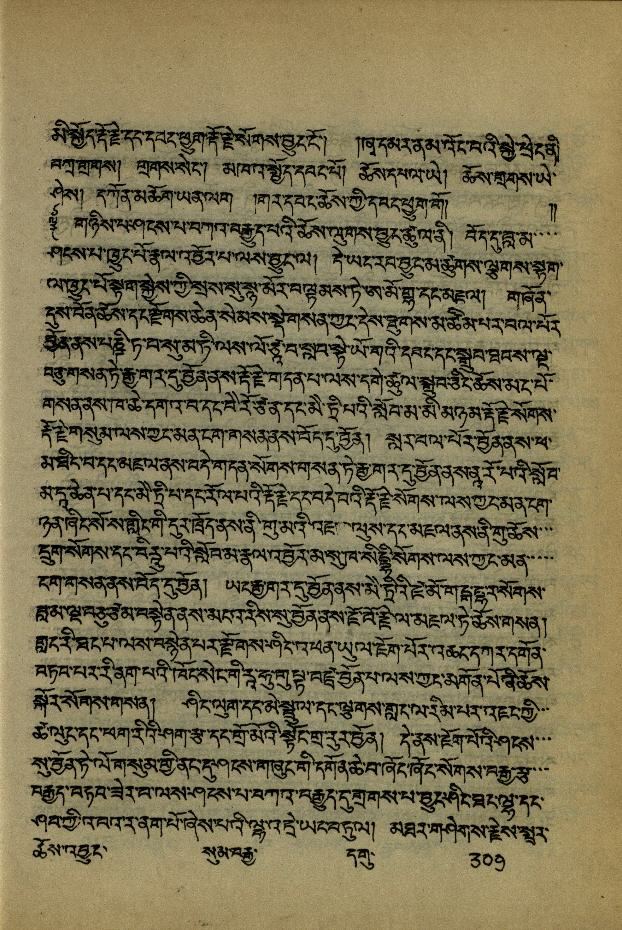མི་སྐྱོད་རྡོ་རྗེ་དང་དབང་ཕྱུག་རྡོ་རྗེ་སོགས་བྱུང་ངོ། །ཞྭ་དམར་ནམ་འོང་བའི་སྐྱེ་ཕྲེང་ནི།
བཀྲ་གྲགས། གྲགས་སེང་། མཁའ་སྤྱོད་དབང་པོ། ཆོས་དཔལ་ཡེ། ཆོས་གྲགས་ཡེ་
ཤེས། དཀོན་མཆོག་ཡན་ལག །གར་དབང་ཆོས་ཀྱི་དབང་ཕྱུག་གོ། །།
༈ གཉིས་པ་ཤངས་པ་བཀའ་བརྒྱུད་པའི་ཆོས་ལུགས་བྱུང་ཚུལ་ནི། བོད་དུ་བླ་མ་
ཤངས་པ་ཁྱུང་པོ་རྣལ་འབྱོར་པ་ལས་བྱུང་ལ། དེ་ཡང་རབ་བྱུང་མ་ཚུགས་ལྕགས་སྟག་
ལ་ཁྱུང་པོ་སྟག་སྐྱེས་ཀྱི་སྲས་སུ་སྙ་མོར་བལྟམས་ཏེ་ཨ་མོ་གྷ་དང་མཇལ། གཞོན་
དུས་བོན་ཆོས་དང་རྫོགས་ཆེན་སེམས་སྡེ་གསན་ཀྱང་དེས་ཐུགས་མ་ཚིམ་པར་བལ་པོར་
བྱོན་ནས་པཎྚི་ཏ་བ་སུ་མ་ཏི་ལས་ལོ་ཙཱ་བ་སླབ་སྟེ་ཡོ་གའི་དབང་དང་སྒྲུབ་ཐབས་ལྔ་
བཅུ་གསན་ཏེ་རྒྱ་གར་དུ་བྱོན་ནས་རྡོ་རྗེ་གདན་པ་ལས་དགེ་ཚུལ་སྒྲུབ་ཅིང་ཆོས་མང་པོ་
གསན་ནས་ཁ་ཆེ་དགའ་བ་དང་བཻ་རོ་ཙ་ན་དང་མཻ་ཏྲི་པའི་སློབ་མ་མི་མཉམ་རྡོ་རྗེ་སོགས་
རྡོ་རྗེ་གསུམ་ལས་ཀྱང་མན་ངག་གསན་ནས་བོད་དུ་བྱོན། སླར་བ་ལ་པོར་བྱོན་ནས་ཕ་
མ་ཐིང་བ་དང་མཇལ་ནས་བདེ་གདན་སོགས་གསན་ཏེ་རྒྱ་གར་དུ་བྱོན་ནས་ནཱ་རོ་པའི་སློབ་
མ་དཱ་ཆེན་པ་དང་མཻ་ཏྲི་པ་དང་རོལ་པའི་རྡོ་རྗེ་དང་བདེ་བའི་རྡོ་རྗེ་སོགས་ལས་ཀྱང་མན་ངག་
ཉན་ཞིང་སོ་ས་གླིང་གི་དུར་ཁྲོད་ནས་ནི་གུ་མའི་འཇལ་ལུས་དང་མཇལ་ནས་ནི་གུ་ཆོས་
དྲུག་སོགས་དང་བིརཱུ་པའི་སློབ་མ་རྣལ་འབྱོར་མ་སུ་ཁ་སིདྡྷི་སོགས་ལས་ཀྱང་མན་
ངག་གསན་ནས་བོད་དུ་བྱོན། ཡང་རྒྱ་གར་དུ་བྱོན་ནས་མཻ་ཏྲིའི་ཛ་མོ་གངྒ་དྷ་ར་སོགས་
བླ་མ་ལྔ་བཅུ་ཙམ་བསྟེན་ནས་མངའ་རིས་སུ་བྱོན་ནས་ཇོ་བོ་རྗེ་ལ་མཇལ་ཏེ་ཆོས་གསན།
གླང་རི་ཐང་པ་ལས་བསྙེན་པར་རྫོགས་ཤིང་འཕན་ཡུལ་ཇོག་པོར་འཆང་དཀར་དགོན་
བཏབ་པར་རི་ནག་པའི་ཁོང་སེང་གི་རཱ་ཧུ་གུཔྟ་བཛྲ་བྱོན་པ་ལས་ཀྱང་མགོན་པོ་ནི་ཆོས་
སྐོར་སོགས་གསན། ཤིང་ལུག་དང་མེ་སྦྲུལ་དང་ལྕགས་གླང་ལ་རིམ་པར་འཇབ་ཀྱི་
ཚ་ལུང་དང་ཕག་རིའི་ཤག་རྩ་དང་གྲོ་མོའི་སྟོང་གྲྭ་རུར་བྱོན། དེ་ནས་ཇོག་པོའི་ཤངས་
སུ་བྱོན་ཏེ་ལོ་གསུམ་གྱི་ནང་དུ་ཤངས་གཞུང་གི་དགོན་ཆེ་བ་ཞོང་ཞོང་སོགས་བརྒྱ་རྩ་
བརྒྱད་བཏབ་ཟེར་བ་ལས་ཤངས་པ་བཀའ་བརྒྱུད་དུ་གྲགས་པ་བྱུང་ཤིང་ཐང་ལྷ་དང་
ཤབ་ཀྱི་འབའ་ར་ནག་པོ་ཞེས་པའི་ལྷ་འདྲེ་ཡང་བཏུལ། མཐར་གཤེགས་རྗེས་སྤྲར་